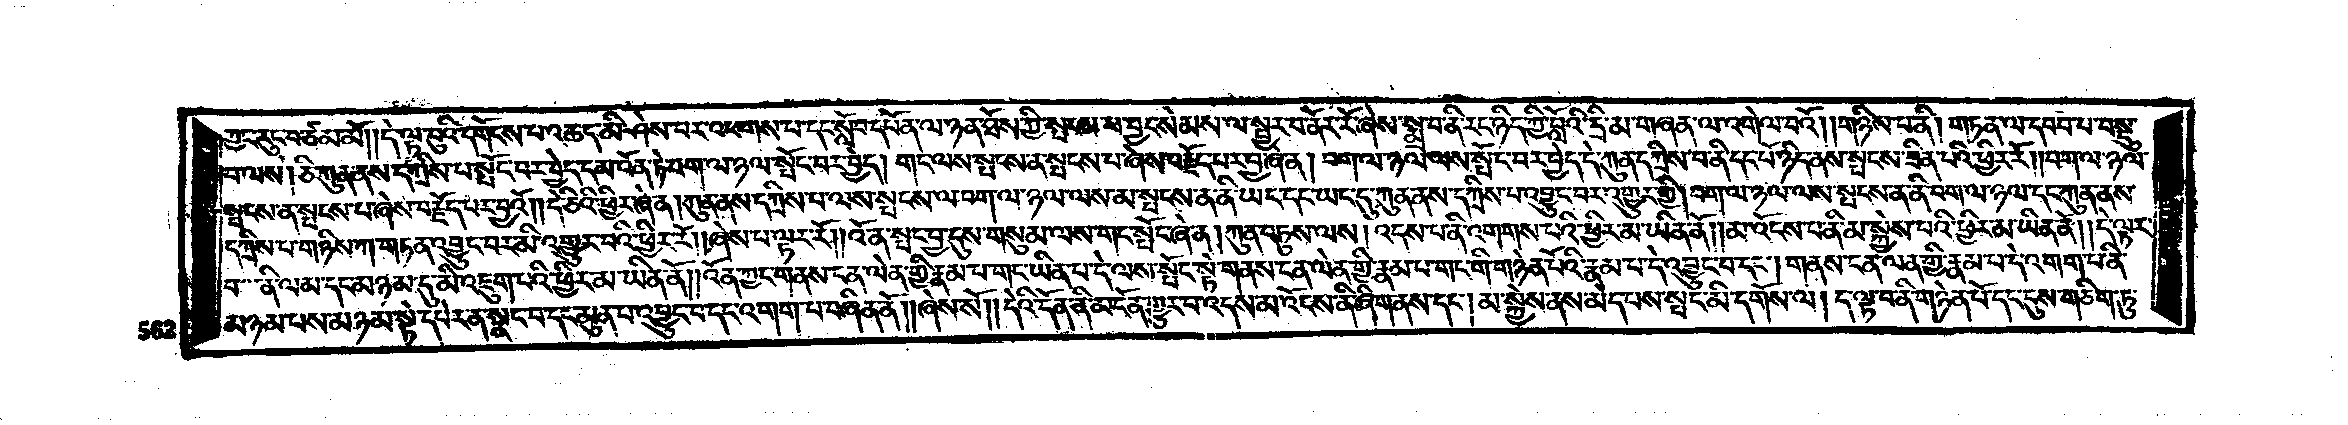ཀྱང་རུང་བ་ཙམ་མོ། །དེ་ལྟ་བུའི་དགོངས་པ་འཆད་མི་ཤེས་པར་འཕགས་པ་དང་སློབ་དཔོན་ལ་ཉན་ཐོས་ཀྱི་སྤངས་པ་བྱང་སེམས་ལ་སྦྱར་བ་ནོར་རོ་ཞེས་སྨྲ་བ་ནི་རང་ཉིད་ཀྱི་བློའི་དྲི་མ་གཞན་ལ་འགེལ་བའོ། །གཉིས་པ་ནི། གཏན་ལ་དབབ་པ་བསྡུ་
བ་ལས། ཅི་ཀུན་ནས་དཀྲིས་པ་སྤོང་བར་བྱེད་དམ་འོན་ཏེ་བག་ལ་ཉལ་སྤོང་བར་བྱེད། གང་ལས་སྤངས་ན་སྤངས་པ་ཞེས་བརྗོད་པར་བྱ་ཞེ་ན། བག་ལ་ཉལ་ལས་སྤོང་བར་བྱེད་དེ་ཀུན་དཀྲིས་པ་ནི་དང་པོ་ཉིད་ནས་སྤངས་ཟིན་པའི་ཕྱིར་རོ། །བག་ལ་ཉལ་
སྤངས་ན་སྤངས་པ་ཞེས་བརྗོད་པར་བྱའོ། །དེ་ཅིའི་ཕྱིར་ཞེ་ན། ཀུན་ནས་དཀྲིས་པ་ལས་སྤངས་ལ་བག་ལ་ཉལ་ལས་མ་སྤངས་ན་ནི་ཡང་དང་ཡང་དུ་ཀུན་ནས་དཀྲིས་པ་འབྱུང་བར་འགྱུར་གྱི། བག་ལ་ཉལ་ལས་སྤངས་ན་ནི་བག་ལ་ཉལ་དང་ཀུན་ནས་
དཀྲིས་པ་གཉིས་ཀ་གཏན་འབྱུང་བར་མི་འགྱུར་བའི་ཕྱིར་རོ། །ཞེས་པ་ལྟར་རོ། །འོ་ན་སྤང་བྱ་དུས་གསུམ་ལས་གང་སྤོང་ཞེ་ན། ཀུན་བཏུས་ལས། འདས་པ་ནི་འགགས་པའི་ཕྱིར་མ་ཡིན་ནོ། །མ་འོངས་པ་ནི་མ་སྐྱེས་པའི་ཕྱིར་མ་ཡིན་ནོ། །ད་ལྟར་
བ་ནི་ལམ་དང་མཉམ་དུ་མི་འཇུག་པའི་ཕྱིར་མ་ཡིན་ནོ། །འོན་ཀྱང་གནས་ངན་ལེན་གྱི་རྣམ་པ་གང་ཡིན་པ་དེ་ལས་སྤོང་སྟེ་གནས་ངན་ལེན་གྱི་རྣམ་པ་གང་གི་གཉེན་པོའི་རྣམ་པ་དེ་འབྱུང་བ་དང་། གནས་ངན་ལན་གྱི་རྣམ་པ་དེ་འགག་པ་ནི་
མཉམ་པས་མཉམ་སྟེ་དཔེར་ན་སྣང་བ་དང་མུན་པ་འབྱུང་བ་དང་འགག་པ་བཞིན་ནོ། །ཞེས་སོ། །དེའི་དོན་ནི་མངོན་གྱུར་པ་འདས་མ་འོངས་ནི་ཞིག་ནས་དང་། མ་སྐྱེས་ནས་མེད་པས་སྤང་མི་དགོས་ལ། ད་ལྟ་བ་ནི་གཉེན་པོ་དང་དུས་གཅིག་ཏུ་